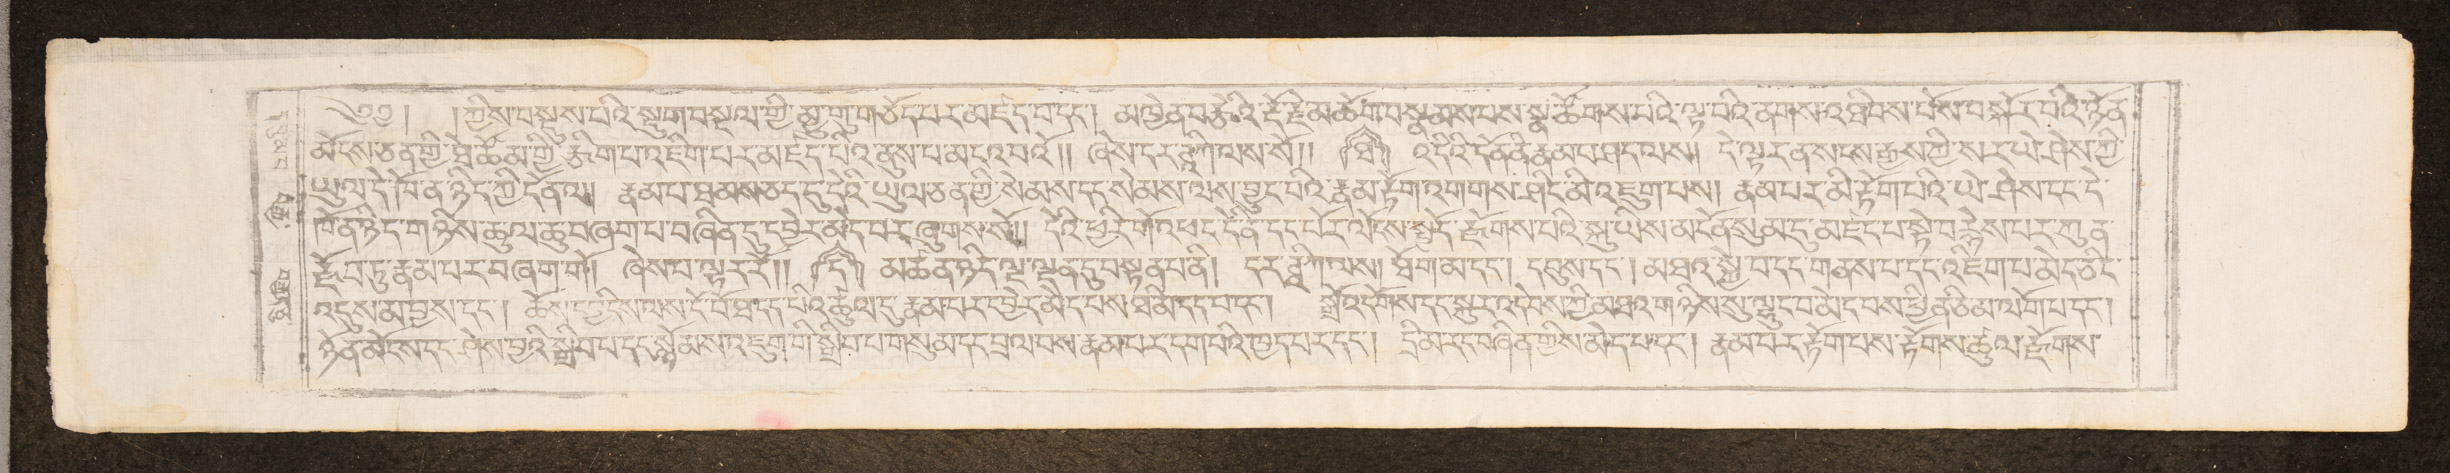༄༅། །ཀྱིས་བསྡུས་པའི་སྡུག་བསྔལ་གྱི་མྱུ་གུ་གཅོད་པར་མཛད་པ་དང་། མཁྱེན་བརྩེའི་རྡོ་རྗེ་མཆོག་བསྣམས་པས་སྣ་ཚོགས་པའི་ལྟ་པའི་ནགས་འཐིབས་པོས་བསྐོར་བའི་ཉོན་
མོངས་ཅན་གྱི་ཐེ་ཚོམ་གྱི་རྩིག་པ་འཇིག་པར་མཛད་པའི་ནུས་པ་མངའ་བའོ། །ཞེས་དར་ཊཱཀི་ལས་སོ།། ༼༽ཐ༼༽ འདིའི་དོན་ནི་རྣམ་བཤད་ལས། དེ་ལྟར་ན་སངས་རྒྱས་ཀྱི་སར་ཡེ་ཤེས་ཀྱི་
ཡུལ་དེ་ཁོ་ན་ཉིད་ཀྱི་དོན་ལ། རྣམ་པ་ཐམས་ཅད་དུ་དེའི་ཡུལ་ཅན་གྱི་སེམས་དང་སེམས་ལས་བྱུང་བའི་རྣམ་རྟོག་འགགས་ཤིང་མི་འཇུག་པས། རྣམ་པར་མི་རྟོག་པའི་ཡེ་ཤེས་དང་དེ་
ཁོ་ན་ཉིད་གཉིས་ཆུ་ལ་ཆུ་བཞག་པ་བཞིན་དུ་དབྱེར་མེད་པར་ཞུགས་སོ། །དེའི་ཕྱིར་གོ་འཕང་དེ་ནི་དང་པོར་ལོངས་སྤྱོད་རྫོགས་པའི་སྐུ་ཡིས་མངོན་སུམ་དུ་མཛད་པ་སྟེ་བརྙེས་པར་ཀུན་
རྫོབ་ཏུ་རྣམ་པར་བཞག་གོ། །ཞེས་པ་ལྟར་རོ།། ༼༽ད༼༽ མཚན་ཉིད་ལྔ་ལྡན་དུ་བསྟན་པ་ནི། དར་ཊཱིཀ་ལས། ཐོག་མ་དང་། དབུས་དང་། མཐའ་སྐྱེ་བ་དང་གནས་པ་དང་འཇིག་པ་མེད་ཅིང་
འདུས་མ་བྱས་དང་། ཆོས་དབྱིངས་ལས་ངོ་བོ་ཐ་དད་པའི་ཚུལ་དུ་རྣམ་པར་དབྱེར་མེད་པས་ཐ་མི་དད་པ་དང་། སྒྲོ་འདོགས་དང་སྐུར་འདེབས་ཀྱི་མཐའ་གཉིས་སུ་ལྷུང་བ་མེད་པས་ཕྱིན་ཅི་མ་ལོག་པ་དང་།
ཉོན་མོངས་དང་ཤེས་བྱའི་སྒྲིབ་པ་དང་སྙོམས་འཇུག་གི་སྒྲིབ་པ་གསུམ་དང་བྲལ་བས་རྣམ་པར་དག་པའི་ཁྱད་པར་དང་། དྲི་མ་རང་བཞིན་གྱིས་མེད་པ་དང་། རྣམ་པར་རྟོག་པས་རྟོགས་ཚུལ་རྫོགས་